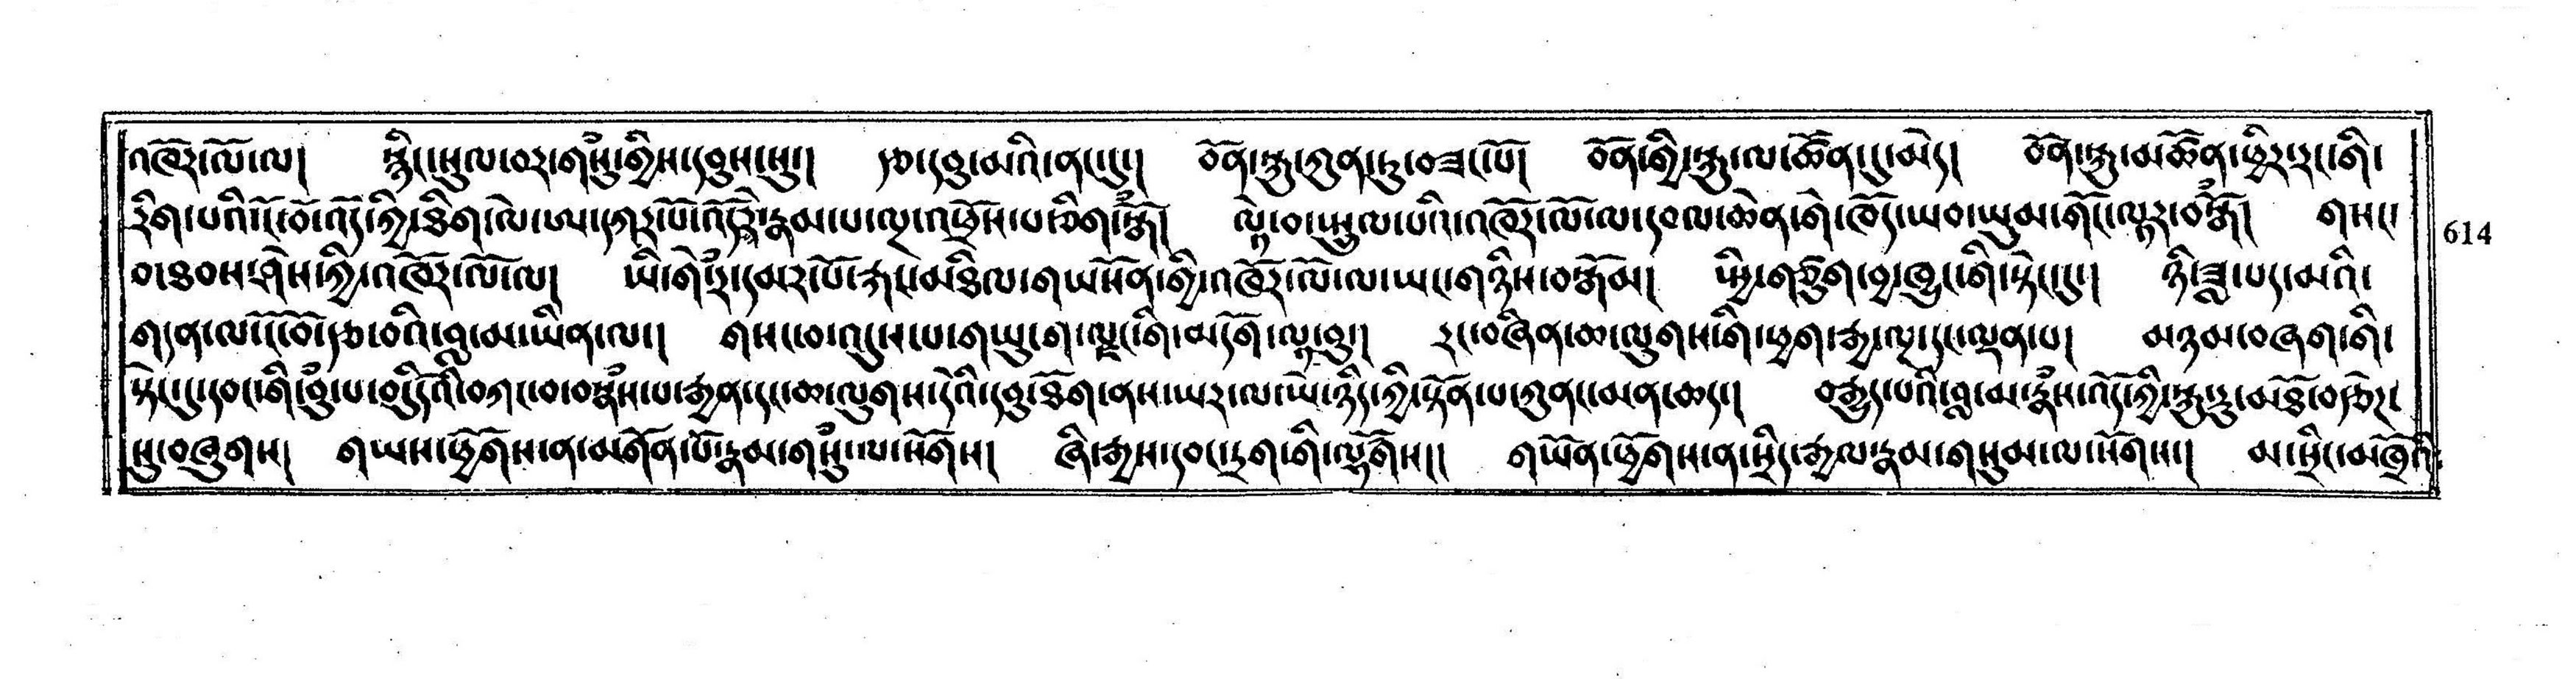འཁོར་ལོ་ལ། སྙིང་སུལ་བར་གསུམ་གྱིས་དབུས་སུ། རྩ་དབུ་མའི་ནང་དུ། བོན་སྐུ་ཀུན་ཏུ་བཟང་པོ། བོན་གྱི་སྐུ་ལ་མཚོན་དུ་མེད། བོན་སྐུ་མཚོན་ཕྱིར་རང་གི་
རིག་པའི་ངོ་བོ་འོད་ཀྱི་ཐིག་ལེ་ཨ་དཀར་པོ་འོད་ཟེར་རྣམ་པ་ལྔ་འཕྲོས་པ་ཅིག་སྒོམ། ལྟེ་བ་སྤྲུལ་པའི་འཁོར་ལོ་ལ་དབལ་ཆེན་གེ་ཁོད་ཡབ་ཡུམ་གོང་ལྟར་བསྒོམ། གསང་
བ་ཐབས་ཤེས་ཀྱི་འཁོར་ལོ་ལ། ཡི་གེ་རཾ་དམར་པོ་རྐང་མཐིལ་གཡས་གཡོན་གྱི་འཁོར་ལོ་ལ་ཡང་གཉིས་བསྒོམ། སྤྱི་གཙུག་བྱ་ཁྱུང་གི་སྟེང་དུ། ཉི་ཟླ་པད་མའི་
གདན་ལ་ངོ་བོ་རྩ་བའི་བླ་མ་ཡིན་པ་ལ། གསང་བ་འདུས་པ་གཡུ་ག་ལྗང་གི་མདོག་ལྟ་བུ། རང་བཞིན་ཆ་ལུགས་གི་ཕྱག་རྒྱ་ལྔ་དང་ལྡན་པ། མཉམ་བཞག་གི་
སྟེང་དུ་དབང་གི་བུམ་པ་བདུད་རྩིའི་བཀང་བ་བསྣམས་པ་རྒྱན་དང་ཆ་ལུགས་དེའི་དབུ་ཐོག་ནས་ཡར་ལ་ཡེ་ཉིད་ཀྱི་སྟོན་པ་ཀུན་བཟང་མན་ཆད། བརྒྱུད་པའི་བླ་མ་རྣམས་འོད་ཀྱི་སྐུ་རུ་མཐོ་བརྩེགས་
སུ་བཞུགས། གཡས་ཕྱོགས་ན་མགོན་པོ་རྣམ་གསུམ་ལ་སོགས། ཞི་རྒྱས་དབང་དྲག་གི་ལྷ་ཚོགས། གཡོན་ཕྱོགས་ན་སྲིད་རྒྱལ་རྣམ་གསུམ་ལ་སོགས། མ་སྲིང་མཁའ་འགྲོའི་